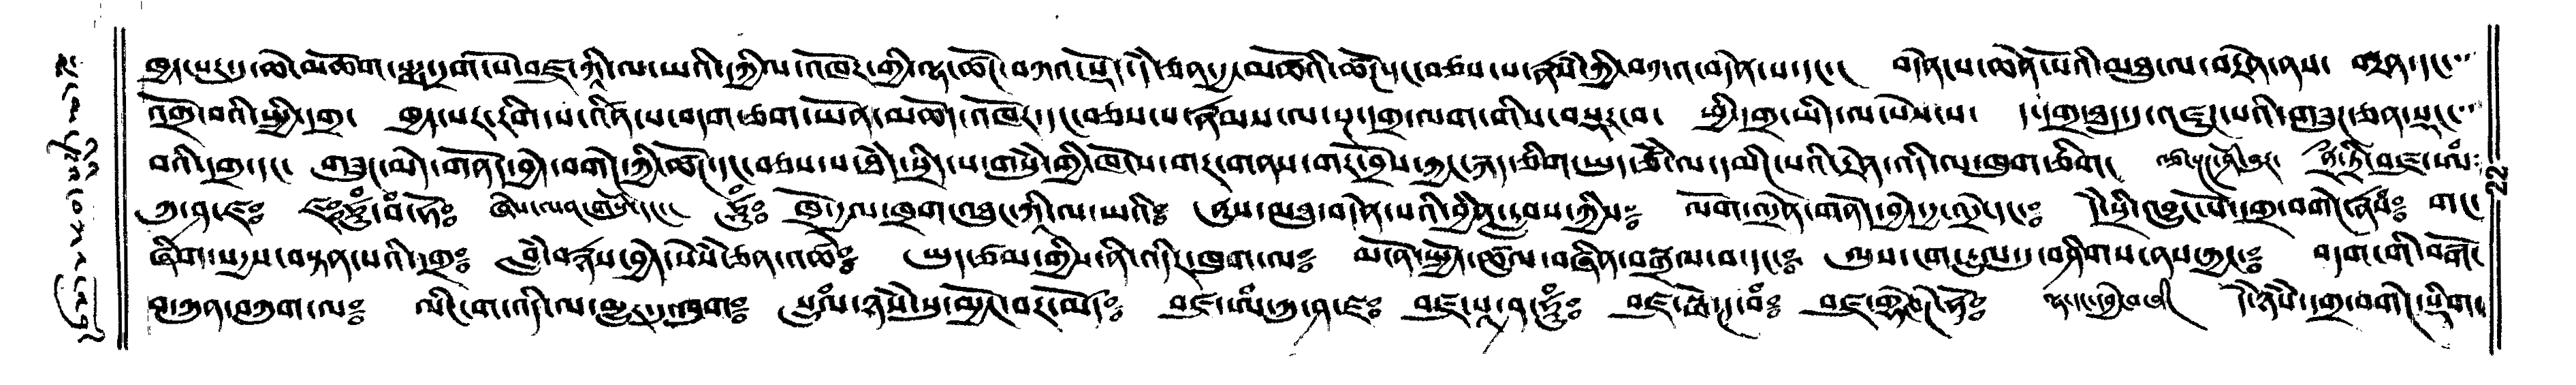ཁྱད་པར་དུ་ཆེ་མཆོག་པདྨ་དྲག་པོ་བཛྲ་ཀཱི་ལ་ཡའི་དཀྱིལ་འཁོར་གྱི་ལྷ་ཚོགས་བཀའ་སྡོད་དམ་ཅན་རྒྱ་མཚོའི་ཚོགས་དང་བཅས་པ་རྣམས་ཀྱི་བཀའ་བདེན་པ་དང་། བདེན་པ་ཆེན་པོའི་མཐུ་ལ་བརྟེན་ནས། བསྟན་དང་
འགྲོ་བའི་སྤྱི་དགྲ། ཁྱད་པར་རིག་པ་འཛིན་པ་བདག་ཅག་ཡོན་མཆོད་འཁོར་དང་བཅས་པ་རྣམས་ལ་སྔ་དགྲ་ལག་གིས་བསྡར་བ། ཕྱི་དགྲ་ཡིད་ལ་སེམས་པ། ད་དགྲ་ཐད་དུ་འཛུགས་པའི་གཟུགས་ཅན་སྡང་
བའི་དགྲ་དང་། གཟུགས་མེད་གནོད་བྱེད་བགེགས་ཀྱི་ཚོགས་དང་བཅས་པ་ཐམས་ཅད་སྲིད་པ་གསུམ་གྱི་ཁོངས་གར་གནས་གར་བྲོས་ཀྱང་སྐད་ཅིག་ཡུད་ཙམ་ལ་དམིགས་པའི་རྟེན་འདི་ལ་ཁུག་ཅིག རྩ་སྔགས་ཤམ་བུར། ནྲྀ་ཏྲི་བཛྲ་ཨཾ་
ཀུ་ཤ་ཛ༔ ཛ༔ཧཱུཾ་བཾ་ཧོ༔ ཞེས་ལན་གསུམ་དང་། ཧཱུཾ༔ ཁྲོ་རྒྱལ་ཁྲག་འཐུང་ཀཱི་ལ་ཡའི༔ནུས་མཐུབདེན་པའི་བྱིན་རླབས་ཀྱིས༔ ལོག་འདྲེན་གནོད་བྱེད་རྒྱ་འདྲེ་དང༔ དམ་སྲི་འབྱུང་པོ་དགྲ་བགེགས་རྣམས༔ གང་
ཞིག་སངས་རྒྱས་བསྟན་པའི་དགྲ༔ བླ་མ་བརྙས་བྱེད་སེམས་ཅན་འཚེ༔ ཡུད་ཙམ་གྱིས་ནི་འདིར་ཁུག་ལ༔ མངོན་སྤྱོད་ཚུལ་བཞིན་བསྒྲལ་བ་དང༔ ལུས་ངག་རྡུལ་དུ་བཤིགས་ནས་ཀྱང༔ བདག་གི་སབསྒོ་
བ་ཀུན་བཀུག་ལ༔ ལིང་ག་འདི་ལ་མྱུར་དུ་ཁུག༔ སྡུག་བསྔལ་ཉམས་སུ་མྱོང་བར་མཛོད༔ བཛྲ་ཨཾ་ཀུ་ཤ་ཛ༔ བཛྲ་པཱ་ཤ་ཧཱུཾ༔ བཛྲ་སྥོ་ཊ་བཾ༔ བཛྲ་གྷཎྜེ་ཧོ༔ ལྷ་དང་དབྱེ་བ་ནི། དམ་ཉམས་དགྲ་བགེགས་སྡིག་